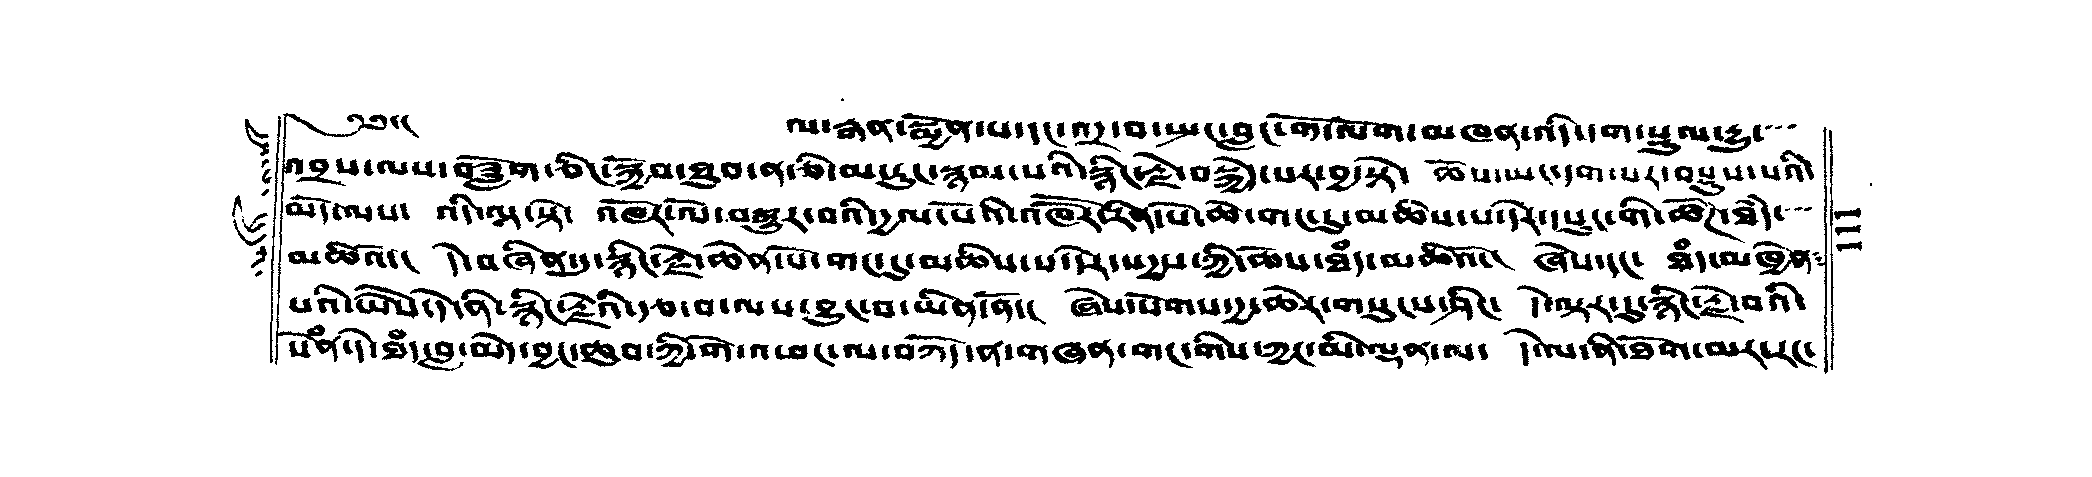མ་རྒན་སྨྱོན་པ་དང་འདྲ་བ་སྤང་བླང་གོ་ལོག་མཁན་འདི་དག་སྡུག་བསྔལ་རྒྱུ་
འབྲས་ལས་བཟློག་ཅིང་སྐྱོབ་ཐུབ་ན་ཅི་མ་རུང་སྙམ་པའི་སྙིང་རྗེ་བསྐྱེད་པར་བྱ་སྟེ། ཆོས་ཡང་དག་པར་བསྡུས་པའི་
མོད་ལས། འདི་ལྟ་སྟེ། འཁོར་ལོ་བསྒྱུར་བའི་རྒྱལ་པོའི་འཁོར་ལོ་རིན་པོ་ཆེ་གང་དུ་མཆིས་པ་དེར་དཔུང་གི་ཚོགས་ཐམས་ཅད་
མཆིའོ། དེ་བཞིན་དུ་སྙིང་རྗེ་ཆེན་པོ་གང་དུ་མཆིས་པ་དེར་སངས་རྒྱས་ཀྱི་ཆོས་ཐམས་ཅད་མཆིའོ། ཞེས་དང་། ཐམས་ཅད་མཁྱེན་
པའི་ཡེ་ཤེས་དེ་ནི་སྙིང་རྗེའི་རྩ་བ་ལས་བྱུང་བ་ཡིན་ནོ། ཞེས་སོགས་རྒྱ་ཆེར་གསུངས་ཤིང་། དེ་ལྟར་དུ་སྙིང་རྗེ་བའི་
སེམས་ཅན་དེ་ཐམས་ཅད་བླ་མེད་བྱང་ཆུབ་ཀྱི་གོ་འཕང་ལ་བཀོད་ན་གཞན་གང་གིས་ཀྱང་མི་ལྡན་ལ།དེ་ལ་ནི་ཐོག་མར་རང་